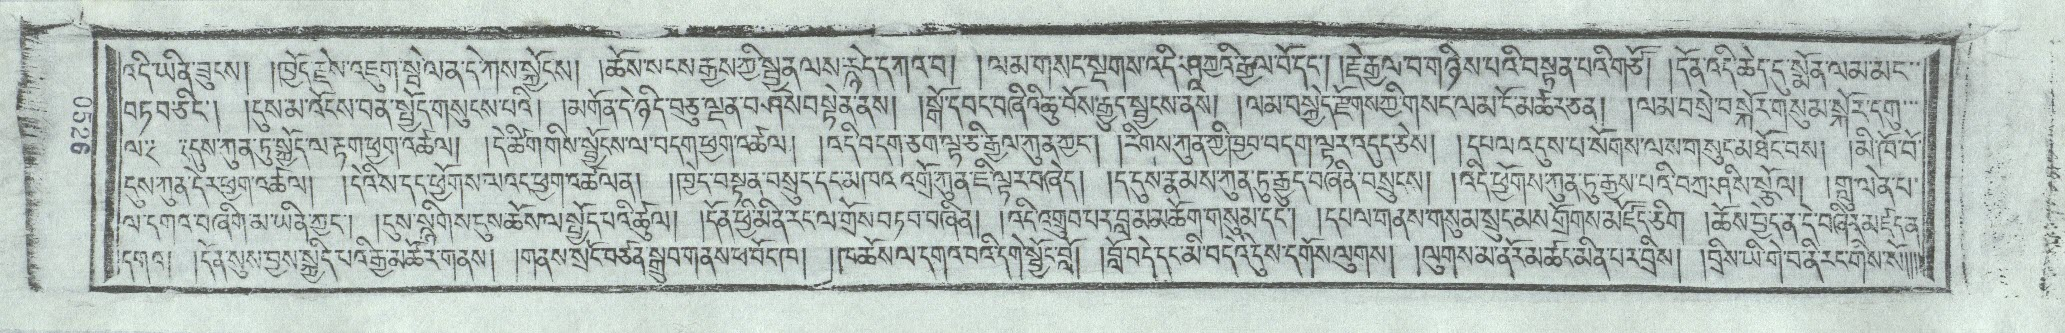འདི་ཡིན་ཟུངས། །ཁྱོད་རྗེས་འཇུག་སྦེལ་ན་དེ་ཀས་སྐྱོངས། །ཆོས་སངས་རྒྱས་ཀྱི་སྦྱན་ལས་རྙེད་དཀའ་བ། །ལམ་གསང་སྔགས་འདི་ཤཱཀྱའི་རྒྱལ་བོ་དང་། །རྗེ་རྒྱལ་བ་གཉིས་པའི་བསྟན་པའི་གཙོ། །དོན་འདི་ཚེད་དུ་སྨོན་ལམ་མང་
བཏབ་ཅིང་། །དུས་མ་འོངས་བ་ན་སྤྱོད་གསུངས་པའི། །མགོན་དེ་ཉིད་བཅུ་ལྡན་བཤེས་བསྟེན་ནས། །སྒོ་དབང་བཞིའི་ཆུ་བོས་རྒྱུད་སྦྱངས་ནས། །ལམ་བསྐྱེད་རྫོགས་ཀྱི་གསང་ལམ་ངོ་མཚར་ཅན། །ལམ་བསྲེ་བསྐོར་གསུམ་སྐོར་དགུ་
ལ༑ ༑དུས་ཀུན་ཏུ་སྐྱོད་ལ་རྟག་ཕྱག་འཚལ། །དེ་ཚིག་གིས་སྦྱོངས་ལ་བདག་ཕྱག་འཚལ། །འདི་བདག་ཅག་ལྟ་ཅི་རྒྱལ་ཀུན་ཀྱང་། །རིགས་ཀུན་ཀྱི་ཁྱབ་བདག་ལྟར་འདུད་ཅེས། །དཔལ་འདུས་པ་སོགས་ལས་གསུང་མཐོང་བས། །མི་ཁོ་བོ་
དུས་ཀུན་དེར་ཕྱག་འཚལ། །དེའི་ས་དང་ཕྱོགས་ལའང་ཕྱག་འཚལ་ན། །ཁྱེད་བསྟན་བསྲུང་དང་མཁའ་འགྲོ་ཀུན་ཇི་ལྟར་བཞེད། །ད་དུས་རྣམས་ཀུན་ཏུ་རྒྱུད་བཞིན་བསྲུངས། །འདི་ཕྱོགས་ཀུན་ཏུ་རྒྱས་པའི་བཀྲ་ཤིས་སྩོལ། །གླུ་ལེན་པ་
ལ་དགའ་བཞིག་མ་ཡིན་ཀྱང་། །དུས་སྙིགས་དུས་ཆོས་ལ་སྤྱོད་པའི་ཚུལ། །དོན་ཕྱི་མིན་རང་ལ་གྲོས་བཏབ་བཞིན། །འདི་འགྲུབ་པར་བླ་མ་མཆོག་གསུམ་དང་། །དཔལ་གནས་གསུམ་སྲུང་མས་གྲོགས་མཛོད་ཅིག །ཆོས་བྱེད་ན་དེ་བཞིན་མཛད་ན་
དགའ། །དོན་སུས་བྱས་སྐྱིད་པའི་རྒྱ་མཚོར་གནས། །གནས་སྲོང་བཙན་སྒྲུབ་གནས་ཕ་བོང་ཁ། །ཁ་ཆོས་ལ་དགའ་བའི་དགེ་སྦྱོང་བློ། །བློ་བདེ་དང་མི་བདེའི་དུས་དགོས་ལུགས། །ལུགས་མ་ནོར་མཚང་མིན་པར་བྲིས། །བྲིས་ཡི་གེ་བ་ནི་རང་གིས་སོ།།